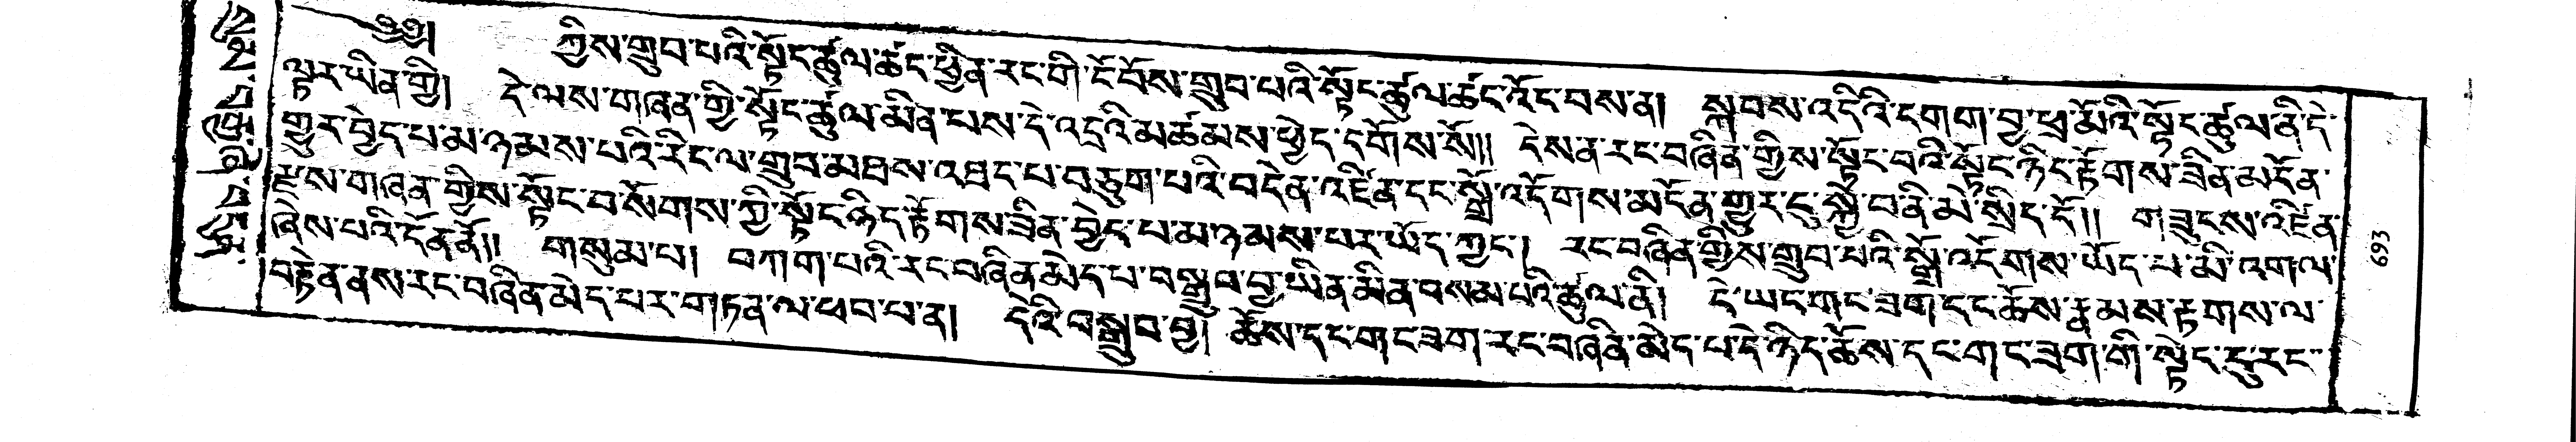༄༅། །ཀྱིས་གྲུབ་པའི་སྟོང་ཚུལ་ཚང་ཕྱིན་རང་གི་ངོ་བོས་གྲུབ་པའི་སྟོང་ཚུལ་ཚང་འོང་བས་ན། སྐབས་འདིའི་དགག་བྱ་ཕྲ་མོའི་སྟོང་ཚུལ་ནི་དེ་
ལྟར་ཡིན་གྱི། དེ་ལས་གཞན་གྱི་སྟོང་ཚུལ་མིན་པས་དེ་འདྲའི་མཚམས་ཕྱེད་དགོས་སོ།། དེས་ན་རང་བཞིན་གྱིས་སྟོང་པའི་སྟོང་ཉིད་རྟོགས་ཟིན་མངོན་
གྱུར་བྱེད་པ་མ་ཉམས་པའི་རིང་ལ་གྲུབ་མཐས་འཐད་པ་བཅུག་པའི་བདེན་འཛིན་དང་སྒྲོ་འདོགས་མངོན་གྱུར་དུ་སྐྱེ་བ་ནི་མི་སྲིད་དོ།། གཟུངས་འཛིན་
རྫས་གཞན་གྱིས་སྟོང་པ་སོགས་ཀྱི་སྟོང་ཉིད་རྟོགས་ཟིན་བྱེད་པ་མ་ཉམས་པར་ཡོད་ཀྱང་། རང་བཞིན་གྱིས་གྲུབ་པའི་སྒྲོ་འདོགས་ཡོད་པ་མི་འགལ་
ཞེས་པའི་དོན་ནོ།། གསུམ་པ། བཀག་པའི་རང་བཞིན་མེད་པ་བསྒྲུབ་བྱ་ཡིན་མིན་བསམ་པའི་ཚུལ་ནི། དེ་ཡང་གང་ཟག་དང་ཆོས་རྣམས་རྟགས་ལ་
བརྟེན་ནས་རང་བཞིན་མེད་པར་གཏན་ལ་ཕབ་པ་ན། དེའི་བསྒྲུབ་བྱ། ཆོས་དང་གང་ཟག་རང་བཞིན་མེད་པ་དེ་ཉིད་ཆོས་དང་གང་ཟག་གི་སྟེང་དུ་རང་